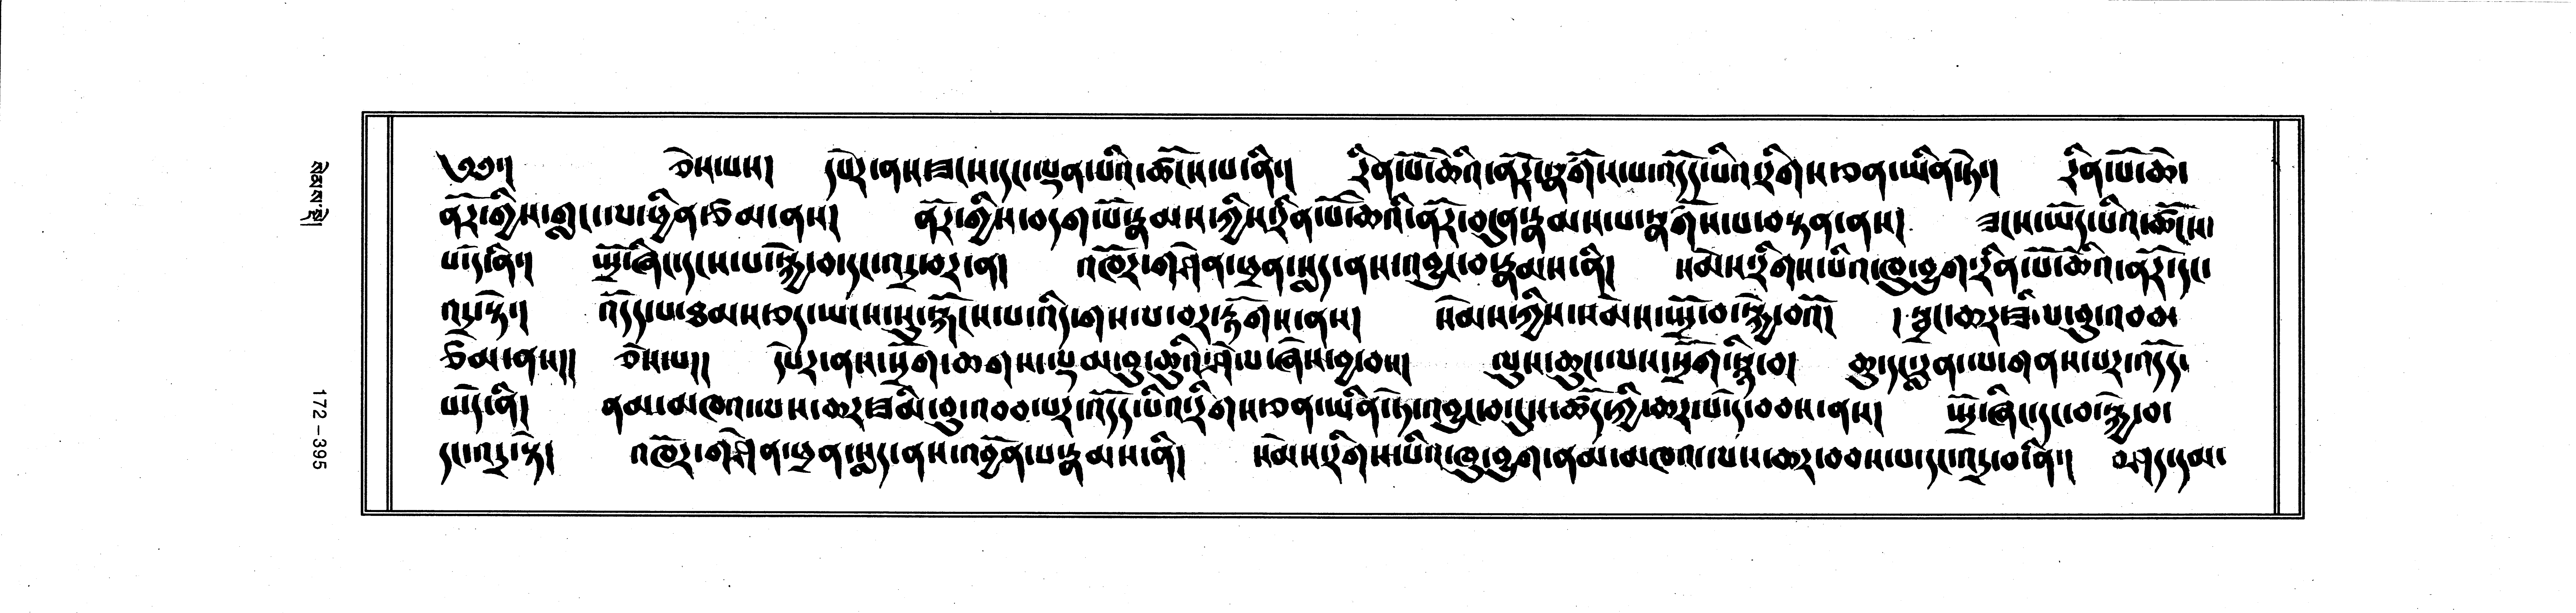ཅེས་པས། དཔེར་ནས་ཟངས་དང་ལྡན་པའི་ཚོངས་པ་ནི། རིན་པོ་ཆེའི་ནོར་སྣ་ཚོགས་པ་འདོད་པའི་རིགས་ཅན་ཡིན་ཏེ། རིན་པོ་ཆེ་
ནོར་གྱིས་གླེང་ལ་ཕྱིན་ཙམ་ནས། ནོར་གྱིས་བདག་པོ་རྣམས་ཀྱིས་རིན་པོ་ཆེའི་ནོར་བདུན་རྣམ་པ་སྣ་ཚོགས་པ་བསྟན་ནས། ཟངས་ཡོད་པའི་ཚོངས་
པ་དེ་ནི། སྤྲོ་ཞིང་དྭངས་པ་སྐྱེ་བ་དང་འདྲ་བར་ན། འཁོར་གཤེན་ཕྲན་སླད་ནས་འབྱུང་བ་རྣམས་ནི། སེམས་རིག་པའི་ཁུ་བྱུག་རིན་པོ་ཆེའི་ནོར་དང་
འདྲ་སྟེ། འདོད་པ་ཐམས་ཅད་ཡོངས་སུ་སྐངས་པ་འདི་གསལ་བར་རྟོགས་ནས། སེམས་ཀྱིས་སེམས་སྤྲོ་བ་སྐྱེ་བའོ། སྦྲང་ཆར་ཟིལ་བུ་འབབ་
ཙམ་ནས། ཅེས་པ། དཔེར་ནས་སྲོག་ཆགས་ལྡམ་བུ་ཆུའི་ཤེལ་ཞེས་བྱ་བས། ལུས་ཆུང་ལས་སྲོག་སྙི་བ། ཆུ་དང་རླན་ལ་གནས་པར་འདོད་
པ་དེ་ནི། ནམ་མཁའ་ལས་ཆར་ཟིམ་བུ་འབབ་པར་འདོད་པའི་རིགས་ཅན་ཡིན་ཏེ་འབྱུང་བ་དུས་ཚོད་ཀྱི་ཆར་པ་དེ་བབས་ནས། སྤྲོ་ཞིང་དྭངས་བ་སྐྱེ་བ་
དང་འདྲ་སྟེ། འཁོར་གཤེན་ཕྲན་སླད་ནས་འབྱོན་པ་རྣམས་ནི། སེམས་རིག་པའི་ཁུ་བྱུག་ནམ་མཁའ་ལས་ཆར་བབས་པ་དང་འདྲ་བ་ནི། བཤད་དམ་